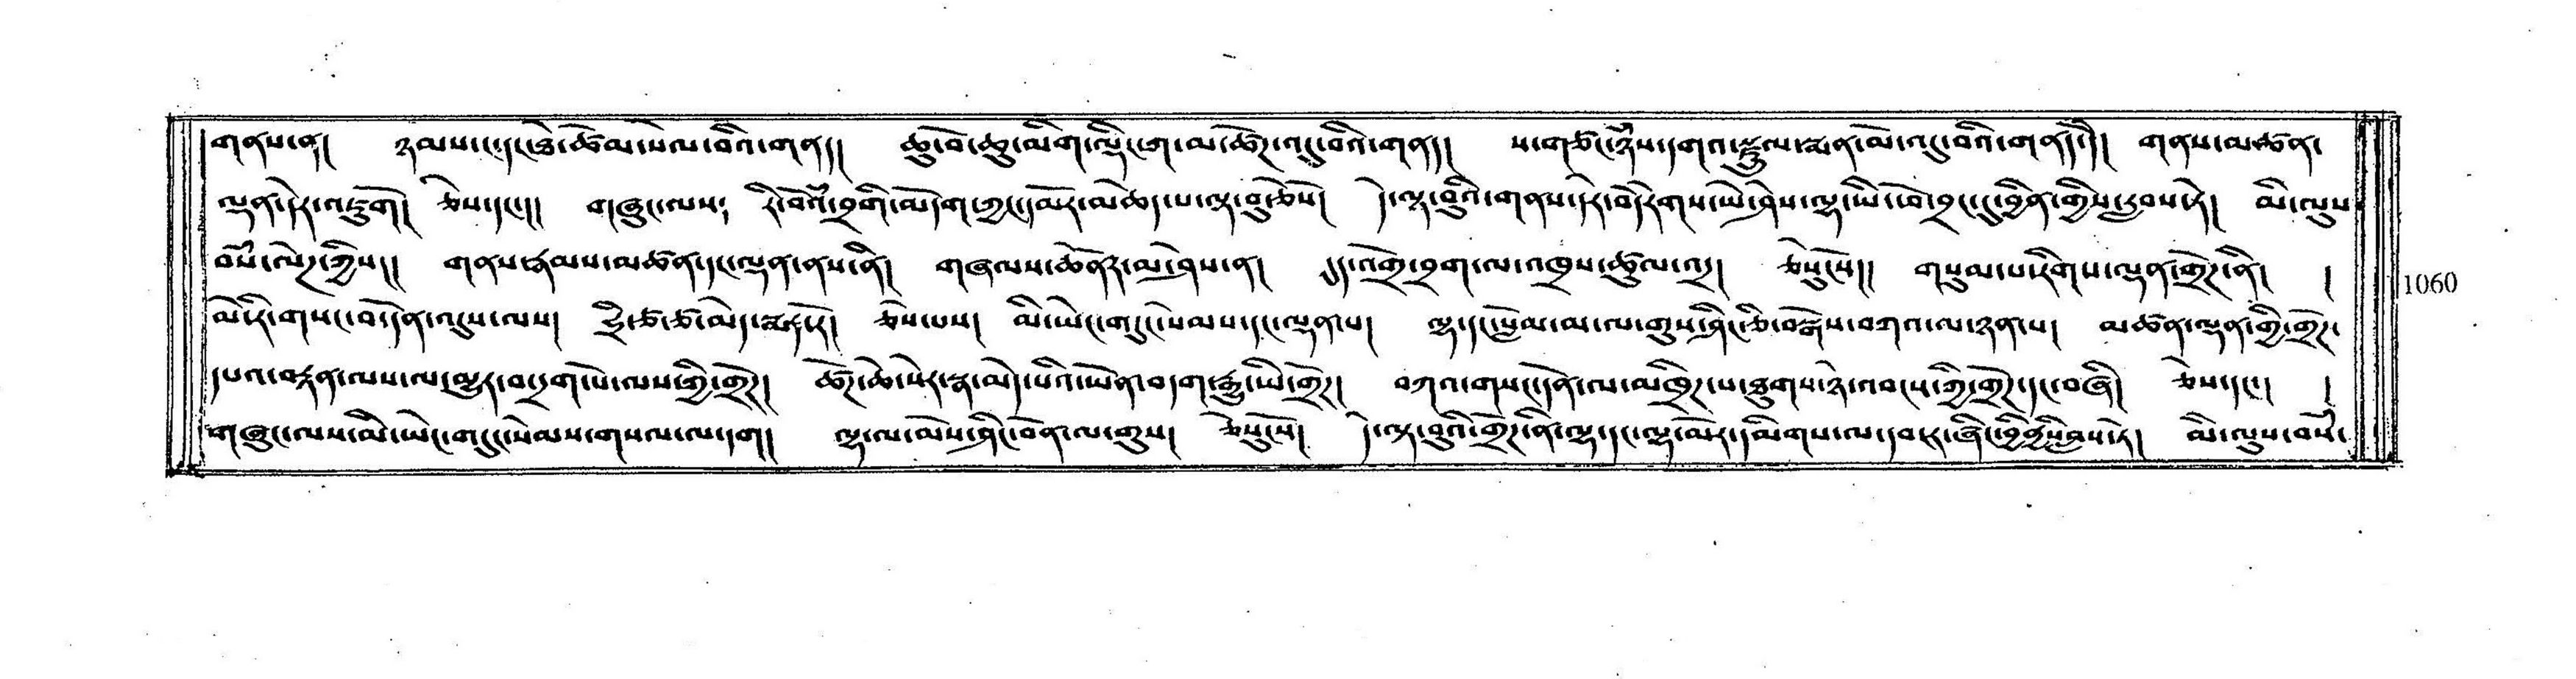གནས་ན། ཉམས་ང་དང་ཐེ་ཚོམ་སེལ་བའི་གནད། ཆུ་བོ་ཆུ་མིག་ལྡིང་ཀ་མ་ཚོགས་འདུ་བའི་གནད། ས་གཙང་ཉམས་དགའ་རྫུ་འཕྲུལ་སྨན་མོ་འདུ་བའི་གནད་དོ། གནས་མཚན་
ལྡན་དེར་འཇུག་གོ ཅེས་དང་།། གཞུང་ལས། རི་བོའི་བྲག་གི་མདོག་ཀྱང་དམར་པོ་མཆེད་པ་ལྟ་བུ་ཅེས་སོ། དེ་ལྟ་བུའི་གནས་དེར་བདེར་གཤེགས་ཡེ་ཤེས་ལྷ་ཡི་ཕོ་བྲང་དུ་བྱིན་གྱིས་བརླབས་ཏེ། མི་ལུས་
བསམ་ལེགས་ཀྱིས།། གནས་རྣམས་མཚན་དང་ལྡན་ནས་ནི། གཞལ་ཡས་ཆེན་པོར་མ་ཤེས་ན། དུད་འགྲོ་བྲག་ལ་འཁྲས་ཚུལ་འདྲ། ཅེས་གསུངས་སོ།། གསུམ་པ་རིག་པ་ལྡན་གྲོགས་ནི། །
མེ་རི་གསང་བ་དོན་འདུས་ལས། ཧྲི་ཙ་ཙ་མེད་སྨར་རོ། ཅེས་པས། མི་ཡེང་གདུང་སེམས་དང་ལྡན་པ། ལྷ་དང་སློམ་མ་ལ་གུས་ཤིང་ཅི་བསྒོས་བཀའ་ལ་ཉན་པ། མཚན་ལྡན་གྱི་གྲོགས་
དཔའ་བརྟན་ལས་ལ་མྱུར་བ་དྲག་པོ་ལས་ཀྱི་གྲོགས། ཚོགས་ཆེ་སེར་སྣ་མེད་པའི་ཡོན་བདག་རྒྱུ་ཡི་གྲོགས། བཀའ་གསང་དོན་ལ་མཁྲིགས་པ་ཐུགས་ཉེ་འབངས་ཀྱི་གྲོགས་དང་བཞི། ཅེས་དང་། 
གཞུང་ལས་མི་ཡེང་གདུང་སེམས་གསལ་ལ་དག ལྷ་ལ་མོས་ཤིང་བོན་ལ་གུས། ཅེས་གསུངས་སོ། དེ་ལྟ་བུའི་གྲོགས་ནི་ལྷ་དང་ལྷ་མོར་དམིགས་ལ་དབང་བསྐུར་ཞིང་བྱིན་གྱིས་བརླབས་ཏེ། མི་ལུས་བསམ་